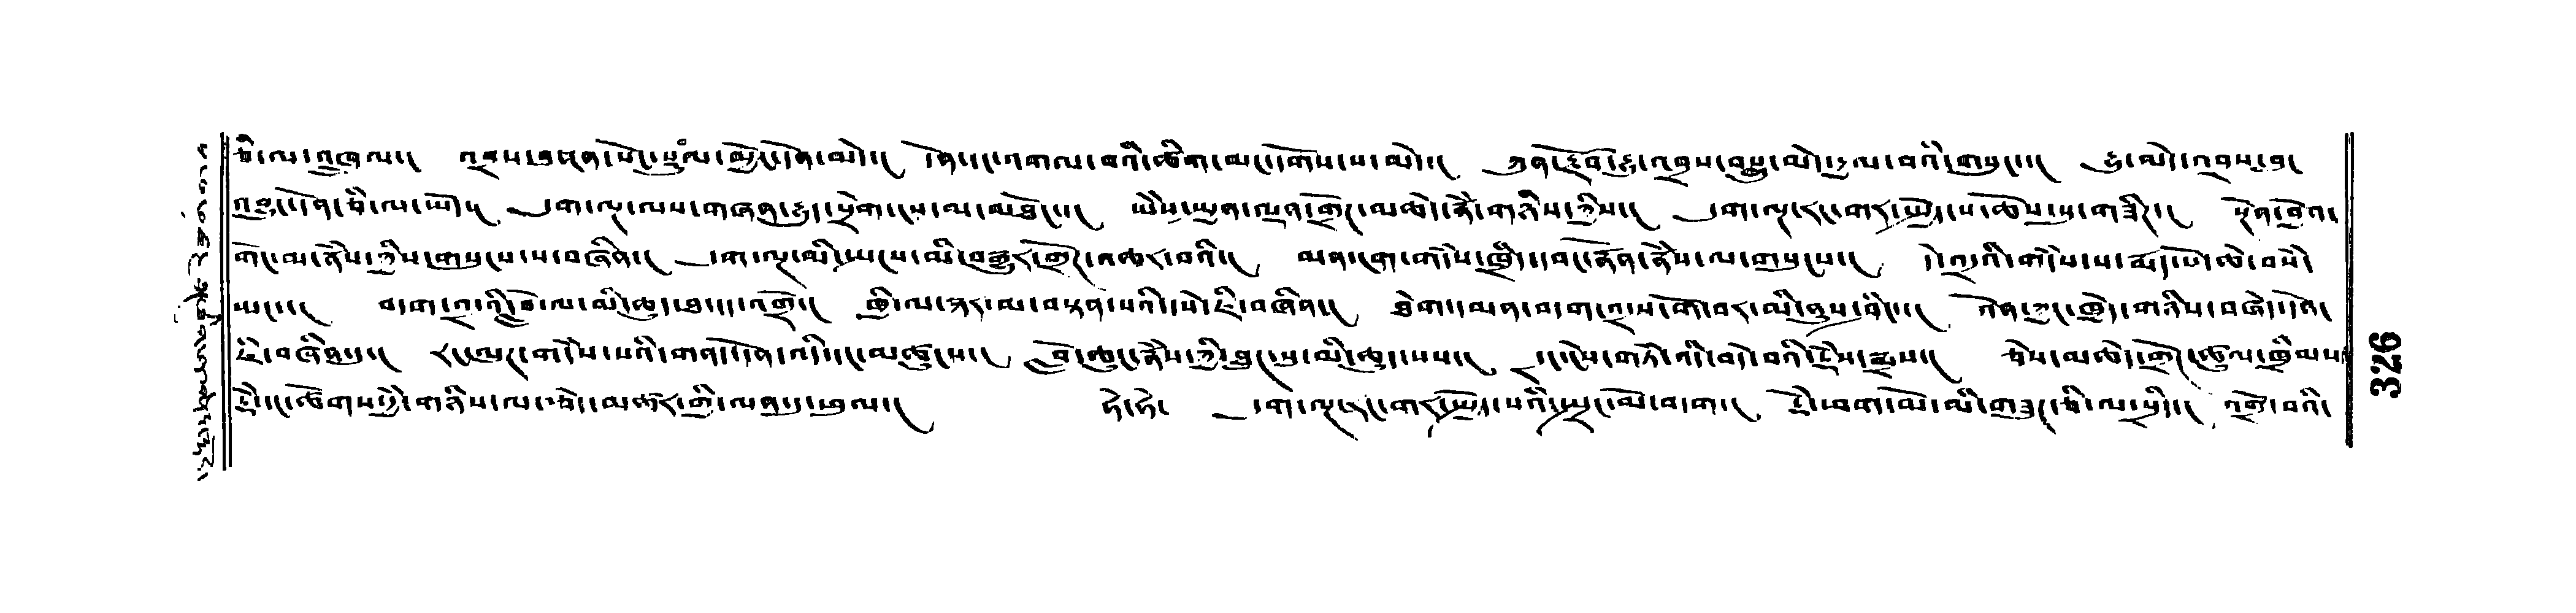ཅི་ལ་འཁྲུལ། །འབྲས་བུ་ངན་སོང་སྡུག་བསྔལ་མྱོང་དོན་མེད། །དོན་དང་འགལ་བའི་ཚིག་མང་དགོས་པ་མེད། །ཀུན་རྫོབ་རྒྱུ་འབྲས་བསླུ་མེད་རྒྱལ་བའི་གསུང་། །རྒྱུ་མེད་འབྲས་བུ་
འབྱུང་དོན་ཅི་ལ་ཡོད། །དུག་ལྔ་ལས་གཞན་རྒྱུད་སྲེག་ངས་མ་མཐོང་། །ཡེ་ཤེས་སྤྱན་ལྡན་གྲོགས་མཆེད་རྣམ་གཉིས་ཀྱིས། །དུག་ལྔ་རང་གར་སྤྱོད་པ་ཆོས་སུ་གཟིགས། །སྔོན་བྱོན་
གོང་མ་རྣམས་ཀྱིས་གསུངས་པ་བཞིན། །དུག་ལྔ་མི་སྤང་མི་བསྒྱུར་གྲོགས་འཆར་བའི། །མན་ངག་གདམས་ཁྲིད་དབང་རྣོན་རྣམས་ལ་གསུངས། །དེ་འདྲའི་གདམས་པ་རྨད་པོ་ཆེ་བསམ་
ཡང་། །བདག་འདྲའི་བློ་ལ་མི་ཆུད་ཐ་དད་འགྲོ།ཁྱི་ལ་སྐར་མ་བསྟན་པའི་དཔེ་ཇི་བཞིན། །ཐེག་དམན་བདག་འདྲས་གོ་བར་མི་ནུས་ཤིང་། །འོན་ཀྱང་ཁྱེད་གཉིས་བཞེད་དོན་
ཇི་བཞིན་དུ། །རང་ལུགས་གདམས་པའི་གནད་དོན་འདི་དང་མཚུངས། །བློ་ཆུང་རྣམས་ཀྱི་ཐུགས་སུ་མི་ཆུད་པས། །དྲང་ངེས་གཏམ་འདི་བདེ་བའི་རྡོ་རྗེས་སྨྲས། ཅེས་མཆེད་གྲོགས་ཚུལ་ཁྲིམས་
རྡོ་རྗེ་དང་ཚོགས་རྒྱམ་གཉིས་ལ་རྩེད་མཚར་གྱི་ལན་དུ་ཕུལ།། ཧེ་ཧེ། དུག་ལྔ་རང་གར་སྤྱོད་པའི་སྤྲང་མོ་བདག །རྡོ་རྗེ་ཕག་མོ་མི་གཟུགས་ཅི་ལ་སྲིད། །འགྲོ་བའི་